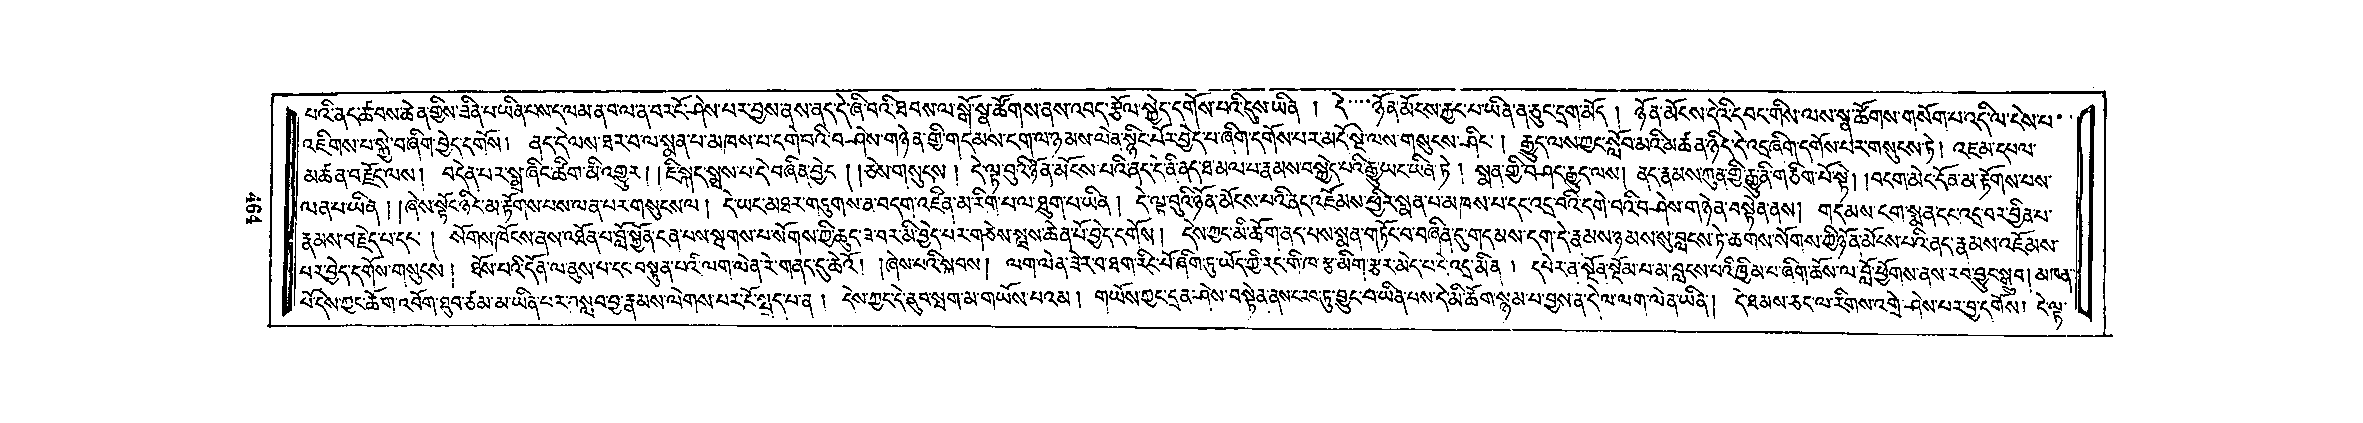པའི་ནང་ཚ་བས་ཆེན་གྱིས་ཟིན་པ་ཡིན་པས་ད་ལམ་ན་བ་ལ་ན་བར་ངོ་ཤེས་པར་བྱས་ནས་ནད་དེ་ཞི་བའི་ཐབས་ལ་སྒོ་སྣ་ཚོགས་ནས་འབད་རྩོལ་སྐྱེད་དགོས་པའི་དུས་ཡིན། དེ་ཉོན་མོངས་རྐྱང་པ་ཡིན་ན་ཅུང་དྲག་མོད། ཉོན་མོངས་དེའི་དབང་གིས་ལས་སྣ་ཚོགས་གསོག་པ་འདི་ལ་ངེས་པ་
འཇིགས་པ་སྐྱེ་བ་ཞིག་བྱེད་དགོས། ནད་དེ་ལས་ཐར་བ་ལ་སྨན་པ་མཁས་པ་དགེ་བའི་བཤེས་གཉེན་གྱི་གདམས་ངག་ལ་ཉམས་ལེན་སྙིང་པོར་བྱེད་པ་ཞིག་དགོས་པར་མདོ་སྡེ་ལས་གསུངས་ཤིང་། རྒྱུད་ལས་ཀྱང་སློབ་མའི་མཚན་ཉིད་དེ་འདྲ་ཞིག་དགོས་པར་གསུངས་ཏེ། འཇམ་དཔལ་
མཚན་བརྗོད་ལས། བདེན་པར་སྨྲ་ཞིང་ཚིག་མི་འགྱུར། །ཇི་སྐད་སྨྲས་པ་དེ་བཞིན་བྱེད། །ཅེས་གསུངས། དེ་ལྟ་བུའི་ཉོན་མོངས་པའི་ནད་དེ་ནི་ནད་ཐ་མལ་པ་རྣམས་བསྐྱེད་པའི་རྒྱུ་ཡང་ཡིན་ཏེ། སྨན་གྱི་བཤད་རྒྱུད་ལས། ནད་རྣམས་ཀུན་གྱི་རྒྱུ་ནི་གཅིག་པོ་སྟེ། །བདག་མེད་དོན་མ་རྟོགས་པས་
ལན་པ་ཡིན། །ཞེས་སྟོང་ཉིད་མ་རྟོགས་པས་ལན་པར་གསུངས་ལ། དེ་ཡང་མཐར་གཏུགས་ན་བདག་འཛིན་མ་རིག་པ་ལ་ཐུག་པ་ཡིན། དེ་ལྟ་བུའི་ཉོན་མོངས་པའི་ནད་འཇོམས་ཕྱིར་སྨན་པ་མཁས་པ་དང་འདྲ་བའི་དགེ་བའི་བཤེས་གཉེན་བསྟེན་ནས། གདམས་ངག་སྨན་དང་འདྲ་བར་བྱིན་པ་
རྣམས་བརྗེད་པ་དང་། སོགས་ཁོངས་ནས་འཐོན་པ་བློ་སྐྱོན་ངན་པས་སྦགས་པ་སོགས་ཀྱི་ཆུད་ཟ་བར་མི་བྱེད་པར་གཅེས་སྤྲས་ཆེན་པོ་བྱེད་དགོས། དེས་ཀྱང་མི་ཆོག་ནད་པས་སྨན་གཏོང་བ་བཞིན་དུ་གདམས་ངག་དེ་རྣམས་ཉམས་སུ་བླངས་ཏེ་ཆགས་སོགས་ཀྱི་ཉོན་མོངས་པའི་ནད་རྣམས་འཇོམས་
པར་བྱེད་དགོས་གསུངས། ཐོས་པའི་དོན་ལ་ནུས་པ་དང་བསྟུན་པའི་ལག་ལེན་རེ་གནད་དུ་ཆེའོ། །ཞེས་པའི་སྐབས། ལག་ལེན་ཟེར་བ་ཐག་རིང་པོ་ཞིག་ཏུ་ཡོད་ཀྱི་རང་གི་ཁ་རྩ་མིག་རྩར་མེད་པ་དེ་འདྲ་མིན། དཔེར་ན་སྔོན་སྡོམ་པ་མ་བླངས་པའི་ཁྱིམ་པ་ཞིག་ཆོས་ལ་བློ་ཕྱོགས་ནས་རབ་བྱུང་སྒྲུབ། མཁན་
པོ་དེས་ཀྱང་ཆོག་འབོག་ཐུབ་ཙམ་མ་ཡིན་པར་བསླབ་བྱ་རྣམས་ལེགས་པར་ངོ་སྤྲད་པ་ན། དེས་ཀྱང་དེ་ནུབ་སྤག་མ་གཡོས་པའམ། གཡོས་ཀྱང་དྲན་ཤེས་བསྟེན་ནས་ང་རབ་ཏུ་བྱུང་བ་ཡིན་པས་དེ་མི་ཆོག་སྙམ་པ་བྱས་ན་དེ་ལ་ལག་ལེན་ཡིན། དེ་ཐམས་ཅད་ལ་རིགས་འགྲེ་ཤེས་པར་བྱ་དགོས། དེ་ལྟ་